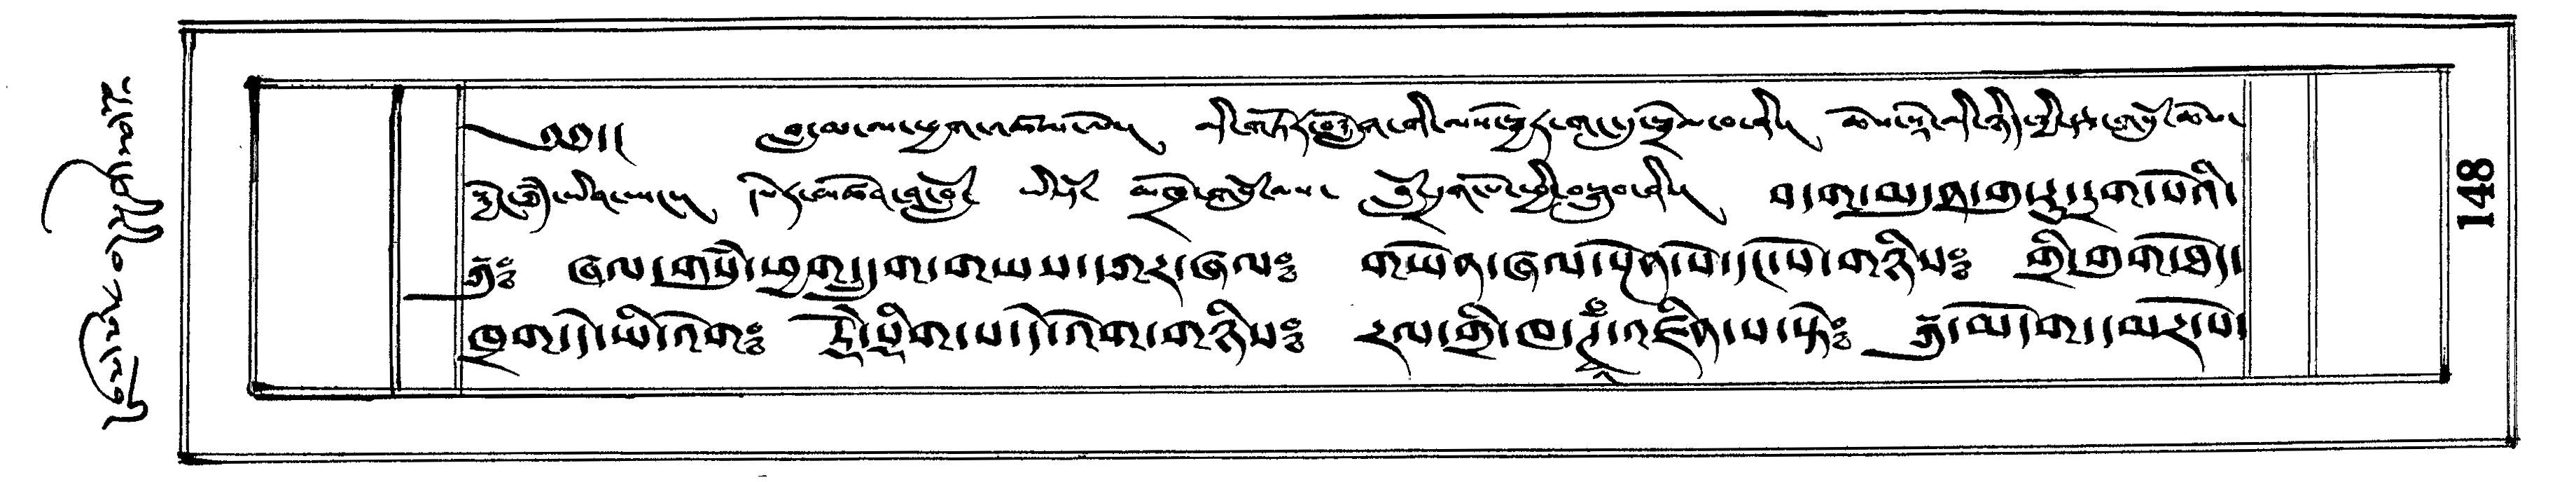༄༅། བླ་མ་ལ་ཕྱག་འཚལ་ལོ། འདིར་གཏོར་བཟློག་གི་ལས་སྦྱོར་གང་དུ་སྦྲེལ་བ་ནི། ཆོས་སྡེ་འདི་ཉིད་ཀྱི་རྩ་གསུམ་ཆོས་
སྐྱོང་ཐམས་ཅད་ཡིན་ཀྱང་། དཔེར་མཚོན་ན་བླ་མ་ཡི་དམ་མཁའ་འགྲོ་གསུམ་ལས། བླ་མ་དྲག་པོ་ཕྱི་བསྒྲུབ་ནི། བདག་མདུན་གུ་རུ་དྲག་པོའི་
སྐུ༔ ཞལ་གསུམ་ཕྱག་དྲུག་གཡས་དཀར་ཞལ༔ གཡོན་ཞལ་སྔོན་པོ་དང་པོ་གཉིས༔ གྲི་གུག་ཐོད་
ཁྲག་དེ་ཡི་འོག༔ རྡོ་རྗེ་སྡིག་པ་དེ་འོག་གཉིས༔ རལ་གྲི་ཁ་ཊྭཱྃ་འཛིན་པ་སྟེ༔ སྐུ་མདོག་དམར་པོ་